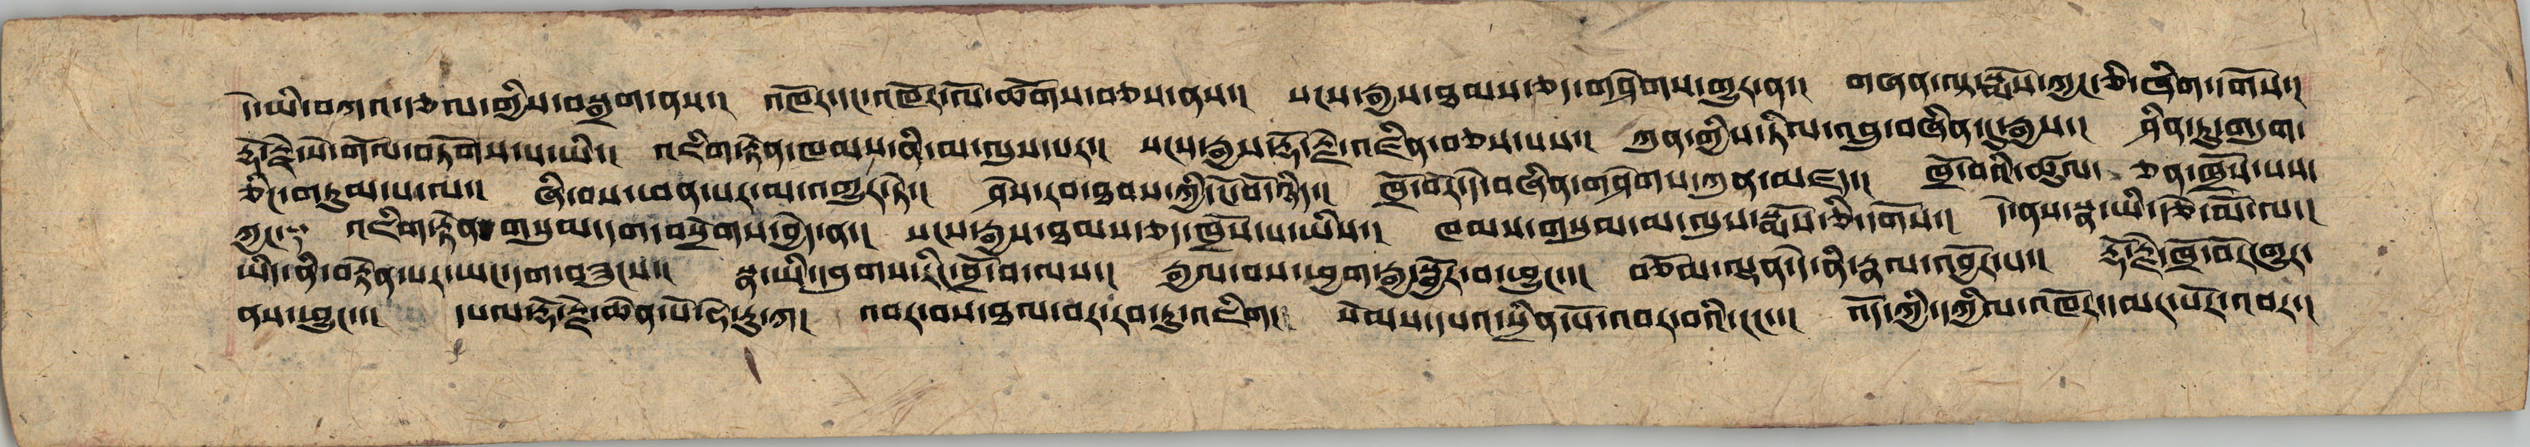དེ་ཡི་བཀའ་རྩལ་གྱིས་བསྒྲག་ནས་། འཁོར་དང་འཁོར་ལོ་ཚོགས་བཅས་ནས་། སངས་རྒྱས་ཐམས་ཅད་གཤེགས་གྱུར་ན་།། གཞན་ལྟ་སྨོས་ཀྱང་ཅི་ཞིག་དགོས་།
རྡོ་རྗེ་སེ་གོལ་བཏོགས་པ་ཡིས་། འཇིག་རྟེན་ཁམས་ནི་མ་ལུས་པར་། སངས་རྒྱས་རྡོ་རྗེ་འཛིན་བཅས་པས་། ཀུན་གྱིས་ཏིལ་འབྲུ་བཞིན་དུ་རྒྱས་། ཤིན་ཏུ་གདུག་
ཅིང་གཏུམ་པ་ལ་། ཞི་བས་ཕན་པར་མ་འགྱུར་ཏེ་། ཤེས་རབ་ཐབས་ཀྱིི་ངོ་བོ་ཉིད་། ཁྲོ་བོར་དེ་བཞིན་གཤེགས་ཀུན་མཛད་། ཁྲོ་བའི་ཚུལ་ ཅན་ཁྲོས་པས་
ཀྱང་༑ འཇིག་རྟེན་གསུམ་དག་བསྲེགས་བྱེད་ན་། སངས་རྒྱས་ཐམས་ཅད་ཁྲོས་པ་ཡིས་། ཁམས་གསུམ་མ་ལུས་སྨོས་ཅི་དགོས་། དེ་ནས་སྣ་ཡི་རྩེ་མོ་ལ་།
ཡིད་ནི་བརྟེན་པར་ཡང་དག་བཟུངས་། སྣ་ཡི་དབུགས་རིང་བྲོ་བ་ལས་། རྒྱལ་བས་ཕྱག་རྒྱ་སྦྱོར་བ་ཕྱུང་་། བཅོམ་ལྡན་དེ་ནི་རྣལ་འབྱོར་པ་། རྡོ་རྗེ་ཁྲོ་བོར་གྱུར་
ནས་ཕྱུང་་། དཔལ་རྡོ་རྗེ་ཆེན་པོ་ཧེ་རུ་ཀ། འབར་བས་ཐལ་བར་རབ་ཏུ་འཇིག། སེམས་དཔའ་སྲིན་པོ་འབར་བའི་ངང་་། འོད་ཀྱི་དཀྱིལ་འཁོར་དམར་པོར་འབར་།